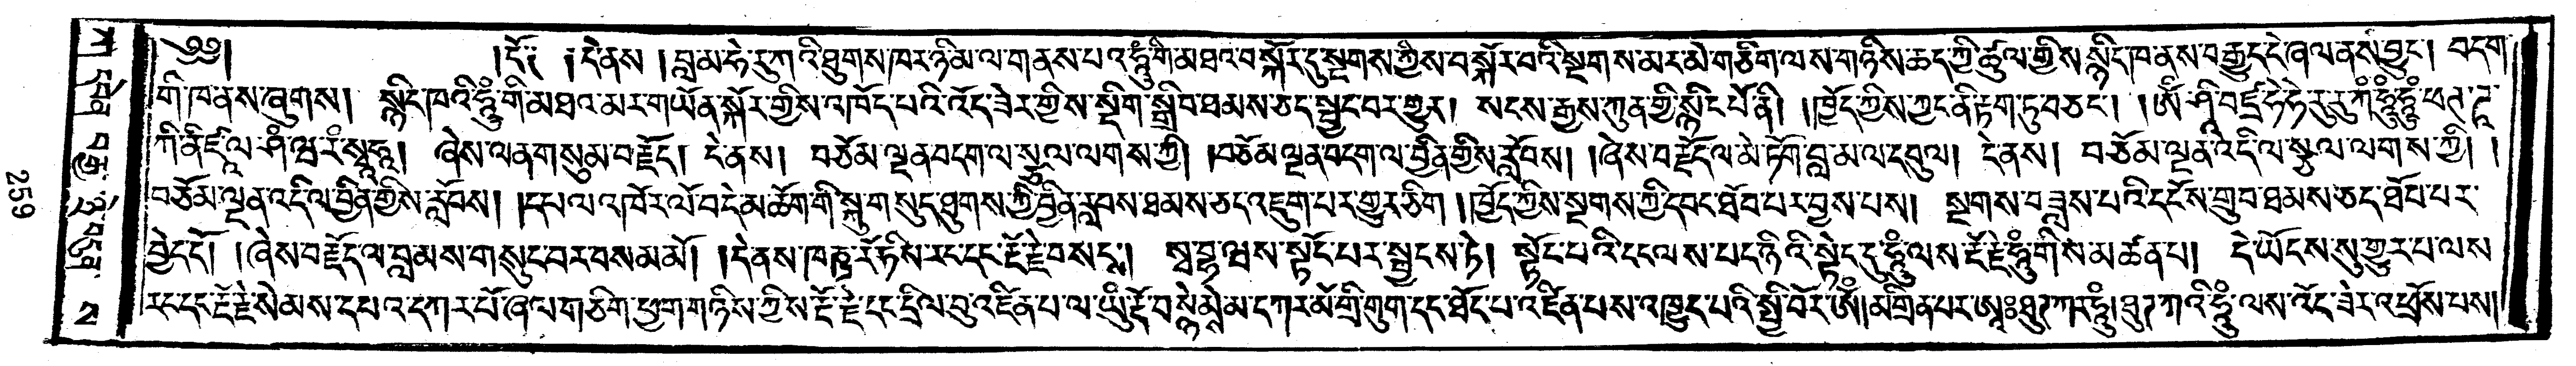༄༅། །དོ༑ ༑དེ་ནས་།བླ་མ་ཧེ་རུ་ཀའི་ཐུགས་ཁར་ཉི་མ་ལ་གནས་པའི་ཧཱུཾ་གི་མཐའ་བསྐོར་དུ་སྔགས་ཀྱིས་བསྐོར་བའི་སྔགས་མར་མེ་གཅིག་ལས་གཉིས་ཆད་ཀྱི་ཚུལ་གྱིས་སྙིང་ཁ་ནས་བརྒྱུད་དེ་ཞལ་ནས་བྱུང་། བདག་
གི་ཁ་ནས་ཞུགས། སྙིང་ཁའི་ཧཱུཾ་གི་མཐའ་མར་གཡོན་སྐོར་གྱིས་འཁོད་པའི་འོད་ཟེར་གྱིས་སྡིག་སྒྲིབ་ཐམས་ཅད་སྦྱང་བར་གྱུར། སངས་རྒྱས་ཀུན་གྱི་སྙིང་པོ་ནི། །ཁྱོད་ཀྱིས་ཀྱང་ནི་རྟག་ཏུ་བཅང་། །ཨོཾ་ཤཱི་བཛྲ་ཧེ་ཧེ་རུ་རུ་ཀཾ་ཧཱུཾ་ཧཱུཾ་ཕཊ་ཌཱ་
ཀི་ནི་ཛཱ་ལ་ཤཾ་ཝ་རཾ་སྭཱ་ཧཱ། ཞེས་ལན་གསུམ་བརྗོད། དེ་ནས། བཅོམ་ལྡན་བདག་ལ་སྩལ་ལགས་ཀྱི། །བཅོམ་ལྡན་བདག་ལ་བྱིན་གྱིས་རློབས། །ཞེས་བརྗོད་ལ་མེ་ཏོག་བླ་མ་ལ་དབུལ། དེ་ནས། བཅོམ་ལྡན་འདི་ལ་སྩལ་ལགས་ཀྱི། །
བཅོམ་ལྡན་འདི་ལ་བྱིན་གྱིས་རློབས། །དཔལ་འཁོར་ལོ་བདེ་མཆོག་གི་སྐུ་གསུང་ཐུགས་ཀྱི་བྱིན་རླབས་ཐམས་ཅད་འཇུག་པར་གྱུར་ཅིག །ཁྱོད་ཀྱིས་སྔགས་ཀྱི་དབང་ཐོབ་པར་བྱས་པས། སྔགས་བཟླས་པའི་དངོས་གྲུབ་ཐམས་ཅད་ཐོབ་པར་
བྱེད་དོ། །ཞེས་བརྗོད་ལ་བླ་མས་གསུང་བར་བསམ་མོ། །དེ་ནས་ཁཎྜ་རོ་ཏིས་རང་དང་རྡོ་རྗེ་བསངས། སྭ་བྷ་ཝས་སྟོང་པར་སྦྱངས་ཏེ། སྟོང་པའི་ངང་ལས་པད་ཉིའི་སྟེང་དུ་ཧཱུཾ་ལས་རྡོ་རྗེ་ཧཱུཾ་གིས་མཚན་པ། དེ་ཡོངས་སུ་གྱུར་པ་ལས་
རང་དང་རྡོ་རྗེ་སེམས་དཔའ་དཀར་པོ་ཞལ་གཅིག་ཕྱག་གཉིས་ཀྱིས་རྡོ་རྗེ་དང་དྲིལ་བུ་འཛིན་པ་ལ་ཡུཾ་རྡོ་བསྙེམ་མེས?་མ་དཀར་མོ་གྲི་གུག་དང་ཐོད་པ་འཛིན་པས་འཁྱུད་པའི་སྤྱི་བོར་ཨོཾ། མགྲིན་པར་ཨཱཿ ཐུགས་ཀར་ཧཱུཾ། ཐུགས་ཀའི་ཧཱུཾ་ལས་འོད་ཟེར་འཕྲོས་པས།